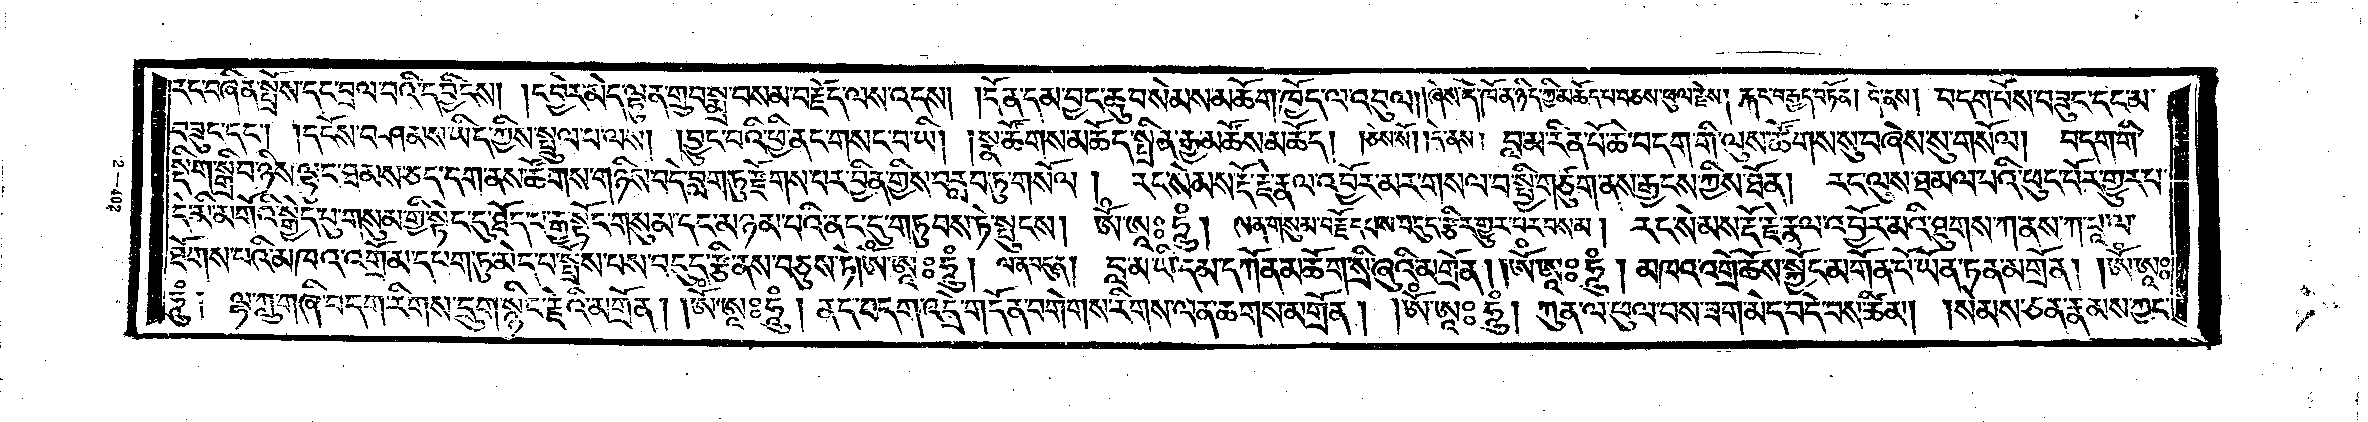རང་བཞིན་སྤྲོས་དང་བྲལ་བའི་དབྱིངས། །དབྱེར་མེད་ལྷུན་གྲུབ་སྨྲ་བསམ་བརྗོད་ལས་འདས། །དོན་དམ་བྱང་ཆུབ་སེམས་མཆོག་ཁྱོད་ལ་འབུལ། །ཞེས་དེ་ཁོ་ན་ཉིད་ཀྱི་མཆོད་པ་བཅས་ཕུལ་རྗེས། རྐང་བརྒྱད་བཏོན། དེ་ནས།  བདག་པོས་བཟུང་དང་མ་
བཟུང་དང་། །དངོས་བཤམས་ཡིད་ཀྱིས་སྤྲུལ་པ་ལས། །བྱུང་བའི་ཕྱི་ནང་གསང་བ་ཡི། །སྣ་ཚོགས་མཆོད་སྤྲིན་རྒྱ་མཚོས་མཆོད། །ཅེས་སོ། །དེ་ནས།  བླ་མ་རིན་པོ་ཆེ་བདག་གི་ལུས་ཚོགས་སུ་བཞེས་སུ་གསོལ། བདག་གི་
སྡིག་སྒྲིབ་ཉིས་ལྟུང་ཐམས་ཅད་དག་ནས་ཚོགས་གཉིས་བདེ་བླག་ཏུ་རྫོགས་པར་བྱིན་གྱིས་བརླབ་ཏུ་གསོལ། རང་སེམས་རྡོ་རྗེ་རྣལ་འབྱོར་མར་གསལ་བ་སྤྱི་གཙུག་ནས་རྒྱངས་ཀྱིས་ཐོན། རང་ལུས་ཐ་མལ་པའི་ཕུང་པོར་གྱུར་པ་
དེ་མི་མགོའི་སྒྱེད་པུ་གསུམ་གྱི་སྟེང་དུ་ཐོད་བརྒྱ་སྟོང་གསུམ་དང་མཉམ་པའི་ནང་དུ་གཏུབས་ཏེ་སྤུངས། ཨོཾ་ཨཱཿ ཧཱུཾ། ལན་གསུམ་བརྗོད་པས་བདུད་རྩིར་གྱུར་པར་བསམ།  རང་སེམས་རྡོ་རྗེ་རྣལ་འབྱོར་མའི་ཐུགས་ཀ་ནས་ཀ་པཱ་ལ་
ཐོགས་པའི་མཁའ་འགྲོ་མ་དཔག་ཏུ་མེད་པ་སྤྲོས་པས་བདུད་རྩི་ནས་བཅུས་ཏེ། ཨོཾ་ཨཱཿཧཱུཾ། ལན་བདུན།  བླ་མ་ཡི་དམ་དཀོན་མཆོག་སྲི་ཞུའི་མགྲོན། །ཨོཾ་ཨཱཿ ཧཱུཾ། མཁའ་འགྲོ་ཆོས་སྐྱོང་མགོན་པོ་ཡོན་ཏན་མགྲོན། །ཨོཾ་ཨཱཿ
ཧཱུཾ༑ ལྷ་ཀླུ་གཞི་བདག་རིགས་དྲུག་སྙིང་རྗེའི་མགྲོན། །ཨོཾ་ཨཱཿ ཧཱུཾ། ནད་བདག་འདྲེ་གདོན་བགེགས་རིགས་ལན་ཆགས་མགྲོན། །ཨོཾ་ཨཱཿ ཧཱུཾ། ཀུན་ལ་ཕུལ་བས་ཟག་མེད་བདེ་བས་ཚིམ། །སེམས་ཅན་རྣམས་ཀྱང་